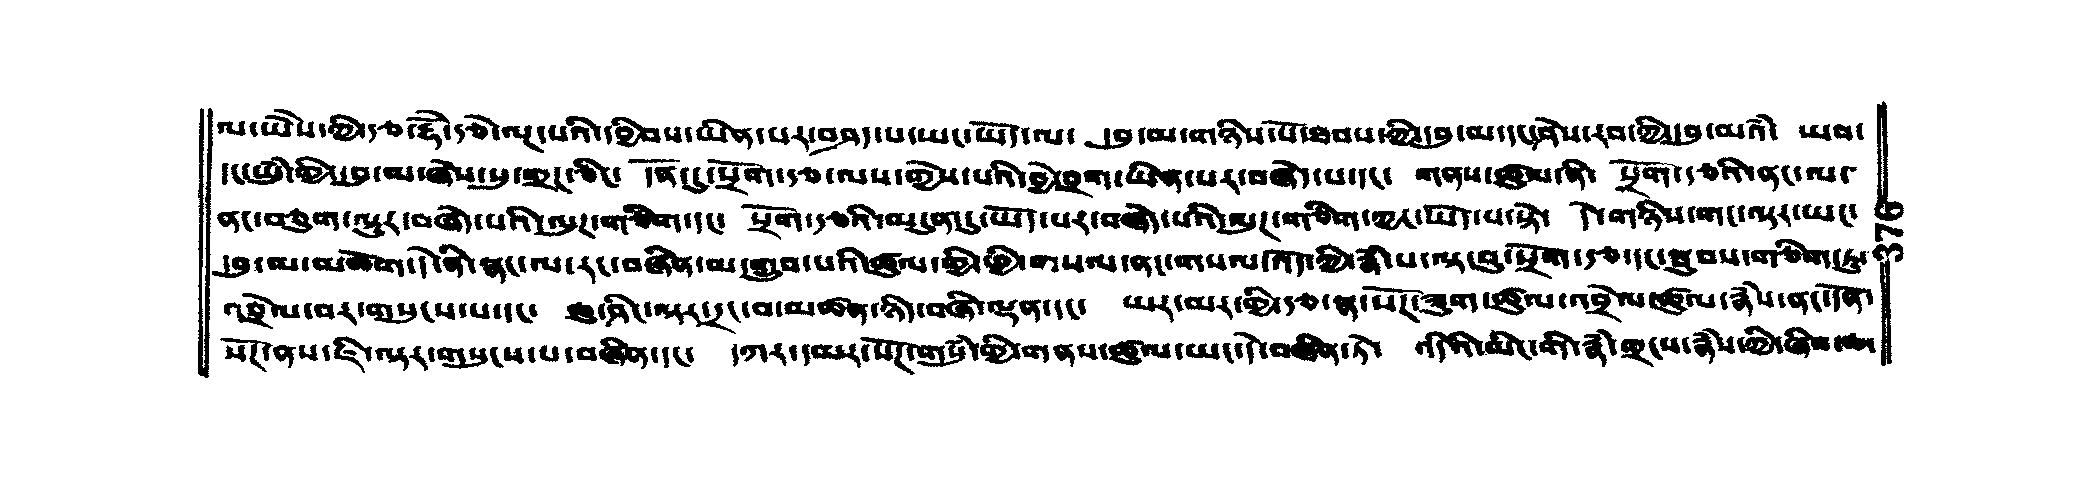ལ་ཡེ་ཤེས་ཀྱི་རྩ་རྡོ་རྗེ་རྩེ་ལྔ་པའི་དབྱིབས་ཡིན་པར་བཤད་པ་ཡང་ཡོད་ལ། དབུ་མ་གཉིས་པོ་ཐབས་ཀྱི་དབུ་མ་དང་ཤེས་རབ་ཀྱི་དབུ་མའམ། ཡབ་
དང་ཡུམ་གྱི་དབུ་མ་ཞེས་སུ་གྲགས་ཤིང་། དོན་དུ་སྲོག་རྩ་ལས་གྱེས་པའི་བྱེ་བྲག་ཡིན་པར་བཞེད་པ་དང་། གནས་ཚུལ་ནི། སྲོག་རྩའི་ནང་ལ་
ནང་བཅུག་ལྟ་བུར་བཞེད་པའི་ལུགས་གཅིག་དང་། སྲོག་རྩའི་མདུན་དུ་ཡོད་པར་བཞེད་པའི་ལུགས་གཅིག་ཀྱང་ཡོད་པ་སྟེ། དེ་གཉིས་གང་ལྟར་ཡང་
དབུ་མ་མཆོག་དེ་ནི་སྣང་ལ་རང་བཞིན་མ་གྲུབ་པའི་ཚུལ་གྱི་ཕྱི་གསལ་ནང་གསལ་འོད་ཀྱི་རྣམ་པ་ལྟ་བུ་སྲོག་རྩ་དང་སྦུབས་གཅིག་ཏུ་
འབྲེལ་བར་གསུངས་པ་དང་། ཆུ་ཤིང་ལྟར་དྲང་བ་མཚན་ཉིད་བཞི་ལྡན་དང་། ཡར་མར་གྱི་རྩ་སྣ་སོགས་ཟུག་ཚུལ་འབྲེལ་ཚུལ་རྣམས་ནང་དོན་
སོགས་ནས་ཇི་ལྟར་གསུངས་པ་བཞིན་དང་། དཀར་དམར་སོགས་གསུམ་གྱི་གནས་ཚུལ་ཡང་དེ་བཞིན་ཏེ། འདིའི་མིང་གི་རྣམ་གྲངས་རྣམས་ཀྱི་ཞིབ་ཆ་